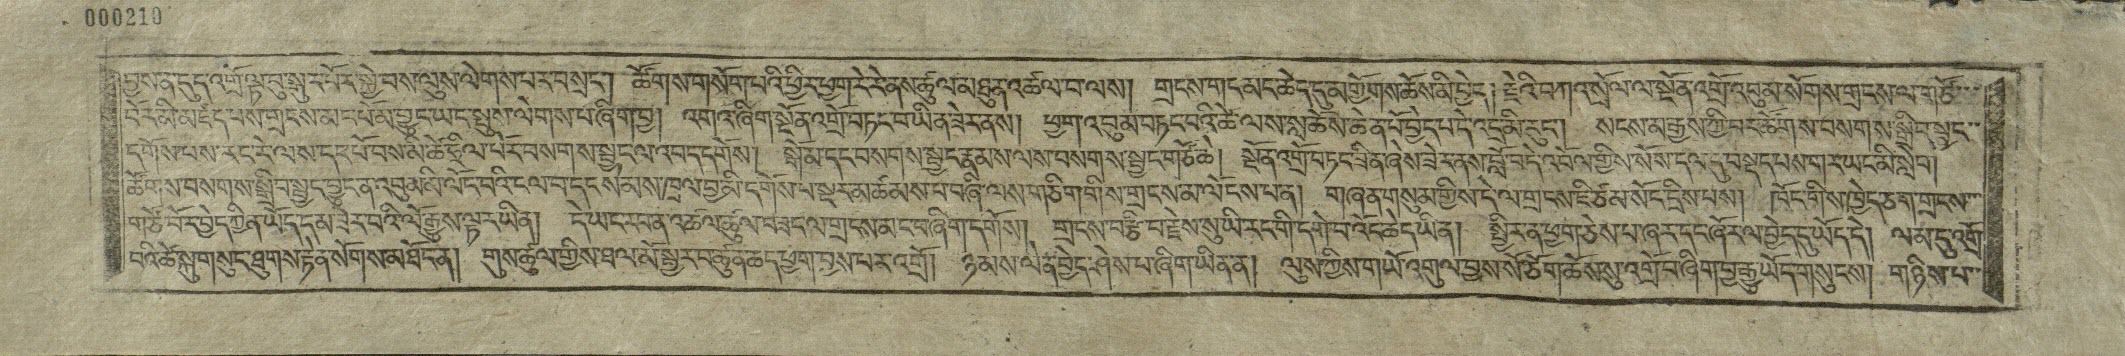བྱས་ན་དུད་འགྲོ་ལྟ་བུ་སྒུར་པོར་སྐྱེ་བས་ལུས་ལེགས་པར་བསྲང་། ཚོགས་གསོག་པའི་ཕྱིར་ཕྱག་རེ་རེ་ནས་ཚུལ་མཐུན་འཚལ་བ་ལས། གྲངས་གང་མང་ཆེད་དུ་མགྱོགས་ཆོས་མི་བྱེད། རྗེའི་བཀའ་སྲོལ་ལ་སྔོན་འགྲོ་འབུམ་སོགས་གྲངས་ལ་གཙོ་
བོར་མི་མཛད་པས་གྲངས་མང་པོ་མ་བྱུང་ཡང་སྤུས་ལེགས་པ་ཞིག་བྱ། འགའ་ཞིག་སྔོན་འགྲོ་བཏང་བ་ཡིན་ཟེར་ནས། ཕྱག་འབུམ་བཏང་བའི་ཚེ་ལས་སླ་ཆོས་ཆེན་པོ་བྱེད་པ་དེ་འདྲ་མི་རུང་། སངས་མ་རྒྱས་ཀྱི་བར་ཚོགས་བསགས་སྒྲིབ་སྦྱང་
དགོས་པས་རང་རེ་ལས་དང་པོ་བས་མི་ཚེ་ཧྲིལ་པོར་བསགས་སྦྱང་ལ་འབད་དགོས། སྒོམ་དང་བསགས་སྦྱང་རྣམས་ལས་བསགས་སྦྱང་གཙོ་ཆེ། སྔོན་འགྲོ་བཏང་ཟིན་ཞེས་ཟེར་ནས་བློ་བདེ་འབོལ་གྱིས་སོས་དལ་དུ་བསྡད་པས་གར་ཡང་མི་སླེབ།
ཚོགས་བསགས་སྒྲིབ་སྦྱང་བྱུང་ན་འབུམ་མི་ལོང་བའི་ངལ་བ་དང་སེམས་ཁྲལ་བྱ་མི་དགོས་པ་སྔར་མཚམས་པ་བཞི་ལས་གཅིག་གིས་གྲངས་མ་ལོངས་པ་ན། གཞན་གསུམ་གྱིས་དེ་ལ་གྲངས་ཇི་ཙམ་སོང་དྲིས་པས། ཁོང་གིས་ཁྱེད་ཅག་གྲངས་
གཙོ་བོར་བྱེད་ཀྱིན་ཡོད་དམ་ཟེར་བའི་ལོ་རྒྱུས་ལྟར་ཡིན། དེ་ཡང་རབ་ན་འཚལ་ཚུལ་བཟང་ལ་གྲངས་མང་བ་ཞིག་དགོས། གྲངས་བརྩི་བ་རྗེས་སུ་ཡི་རང་གི་དགེ་བ་འོང་ཆེད་ཡིན། སྤྱིར་ན་ཕྱག་ཅེས་པ་ཞར་དང་ཞོར་ལ་བྱེད་དུ་ཡོད་དེ། ལམ་དུ་འགྲོ་
བའི་ཚེ་སྐུ་གསུང་ཐུགས་རྟེན་སོགས་མཐོང་ན། གུས་ཚུལ་གྱིས་ཐལ་མོ་སྦྱར་བ་ཚུན་ཆད་ཕྱག་བྱས་པར་འགྲོ། ཉམས་ལེན་བྱེད་ཤེས་པ་ཞིག་ཡིན་ན། ལུས་ཀྱིས་གཡོ་འགུལ་བྱས་སོ་ཅོག་ཆོས་སུ་འགྲོ་བ་ཞིག་བྱ་རྒྱུ་ཡོད་གསུངས། གཉིས་པ་